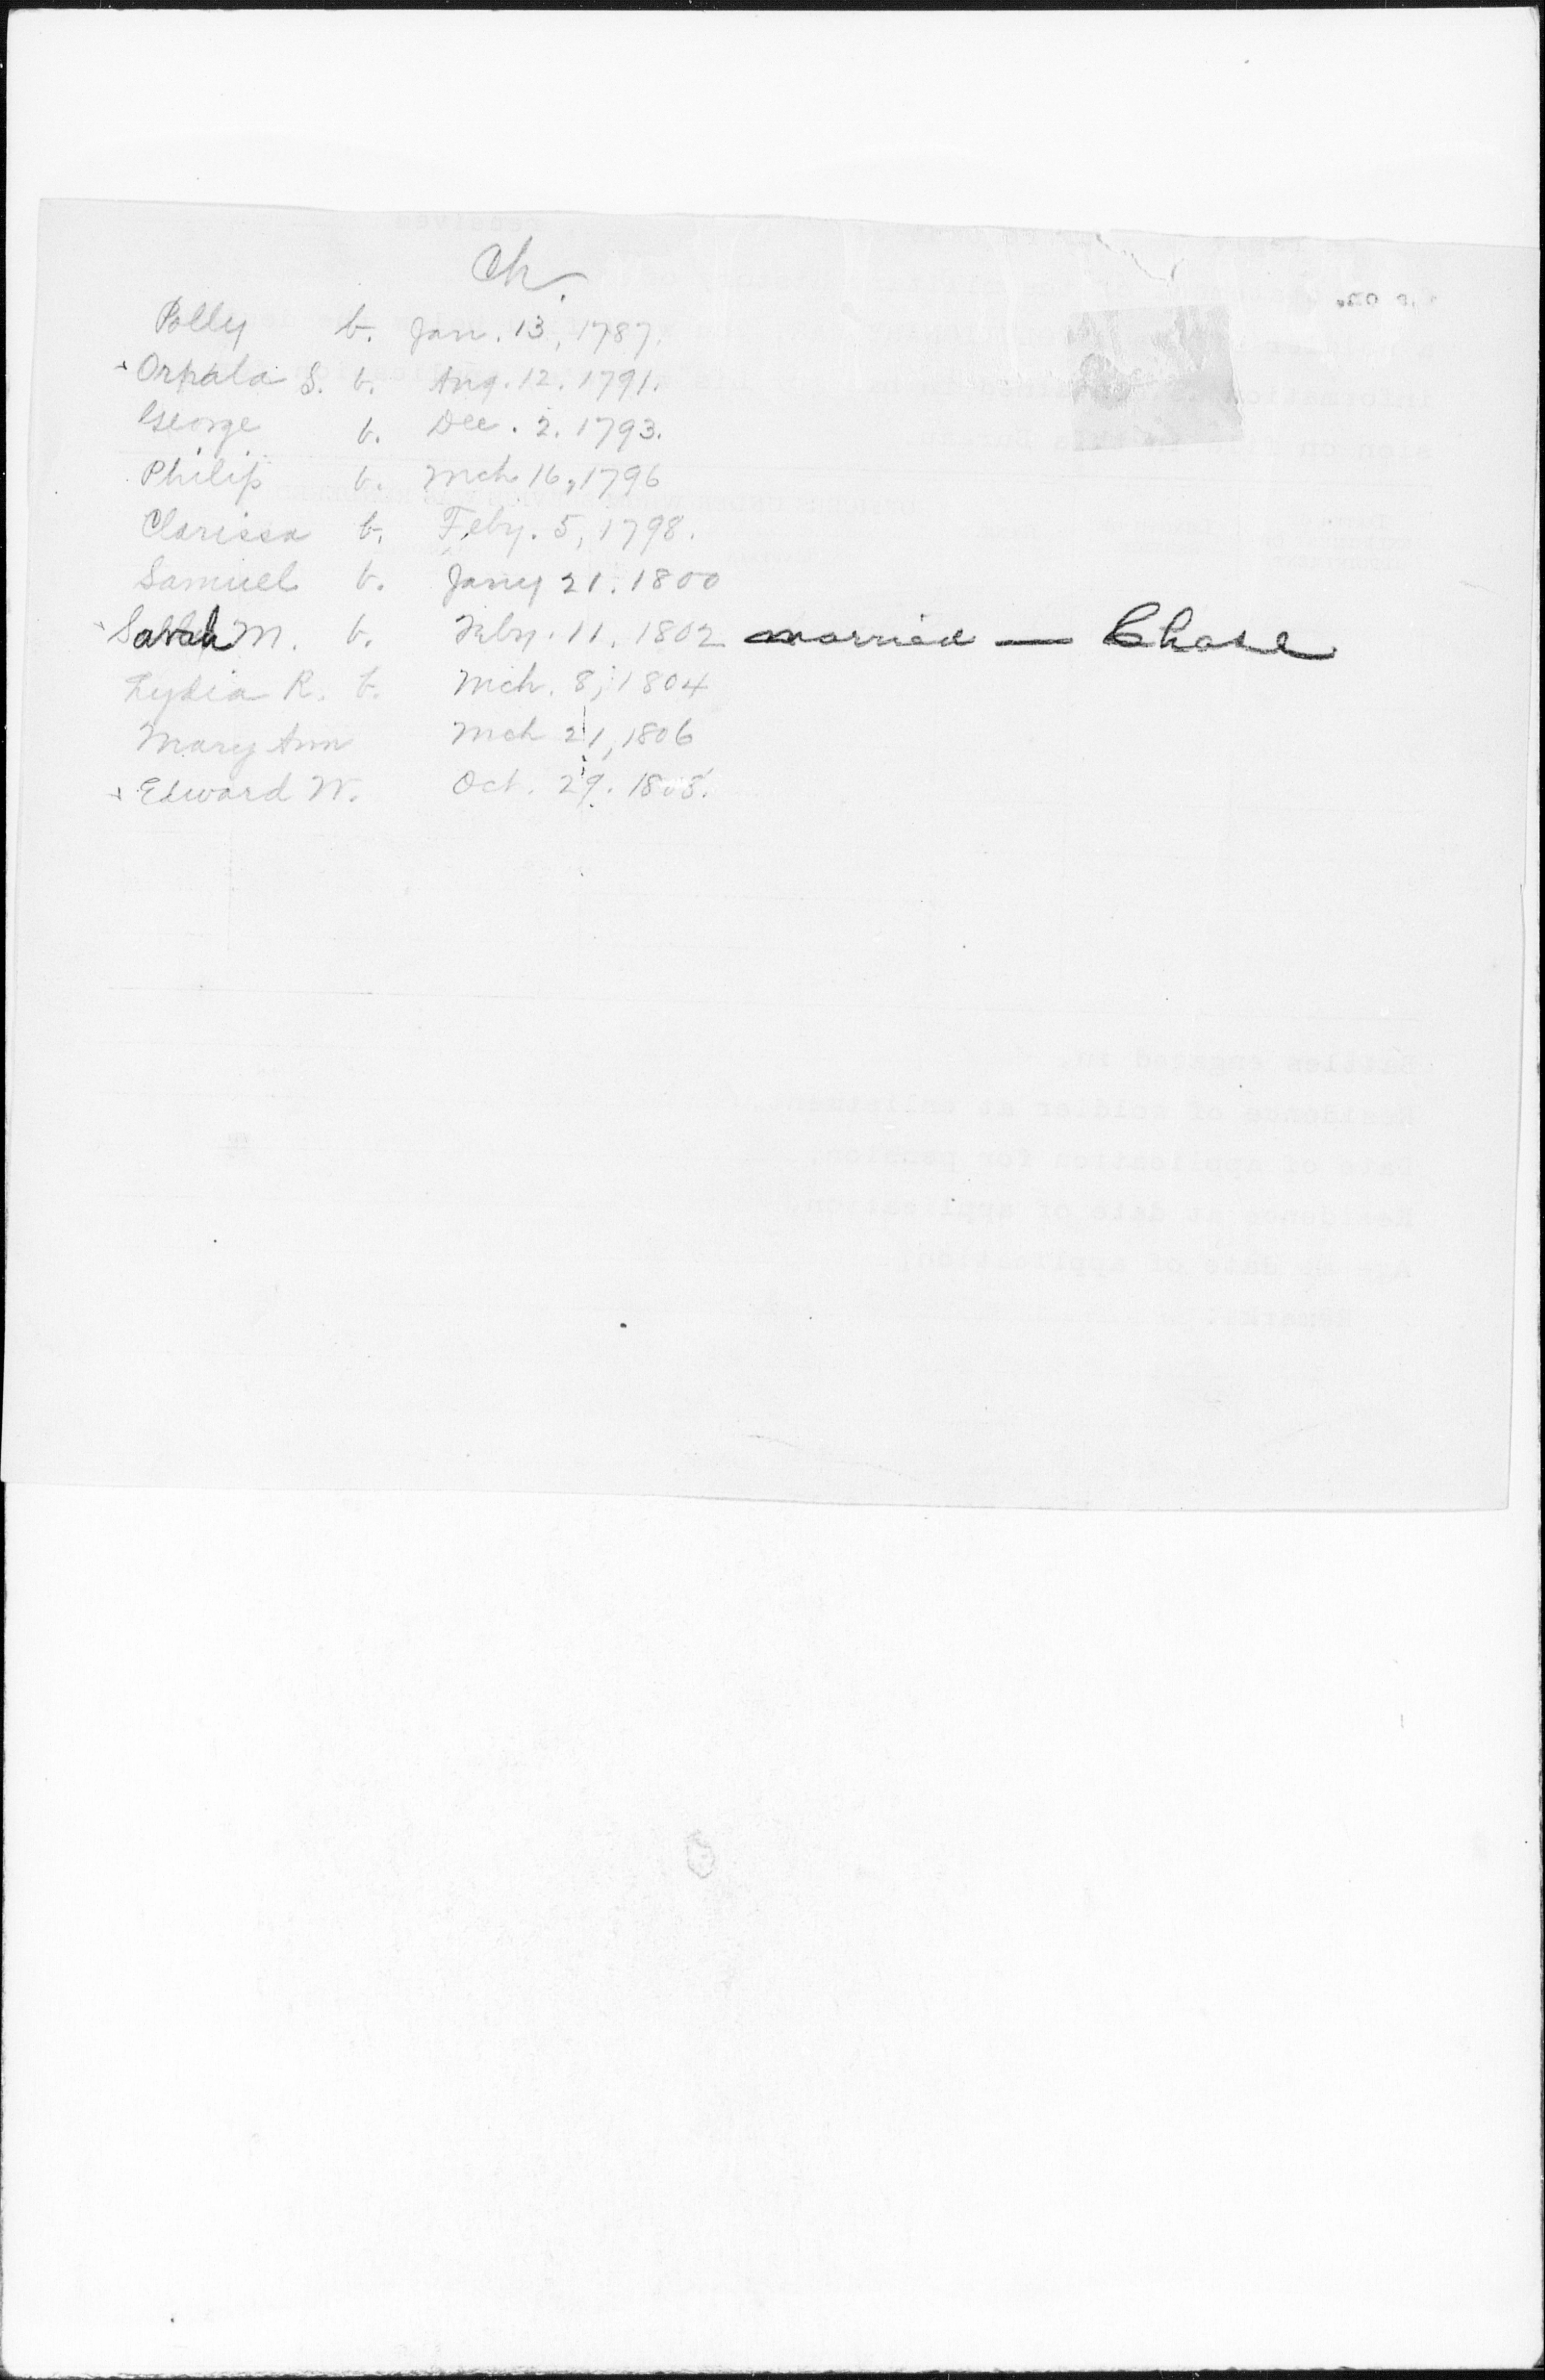Ch.
Polly b. Jan. 13, 1787.
Orpala S. b. Aug. 12, 1791.
George b. Dec. 2, 1793
Philip b. Mch 16, 1796
Clarissa b. feby. 5, 1798
Samuel b, Jany 21, 1800
Sarah M. b. Feb. 11, 1882 married - Chase
Lydia R. b. Mch. 8, 1804
Mary Ann b. Mch 21, 1806
Edward W. b. Oct. 29, 1803.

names: Sarah M, Philip, Lydia R, Orpala S, Clarissa, Samuel, Polly, George, Edward W, Mary Ann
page: 74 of 78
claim: widow's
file: W. 4117, Nathaniel Bradley, Conn.